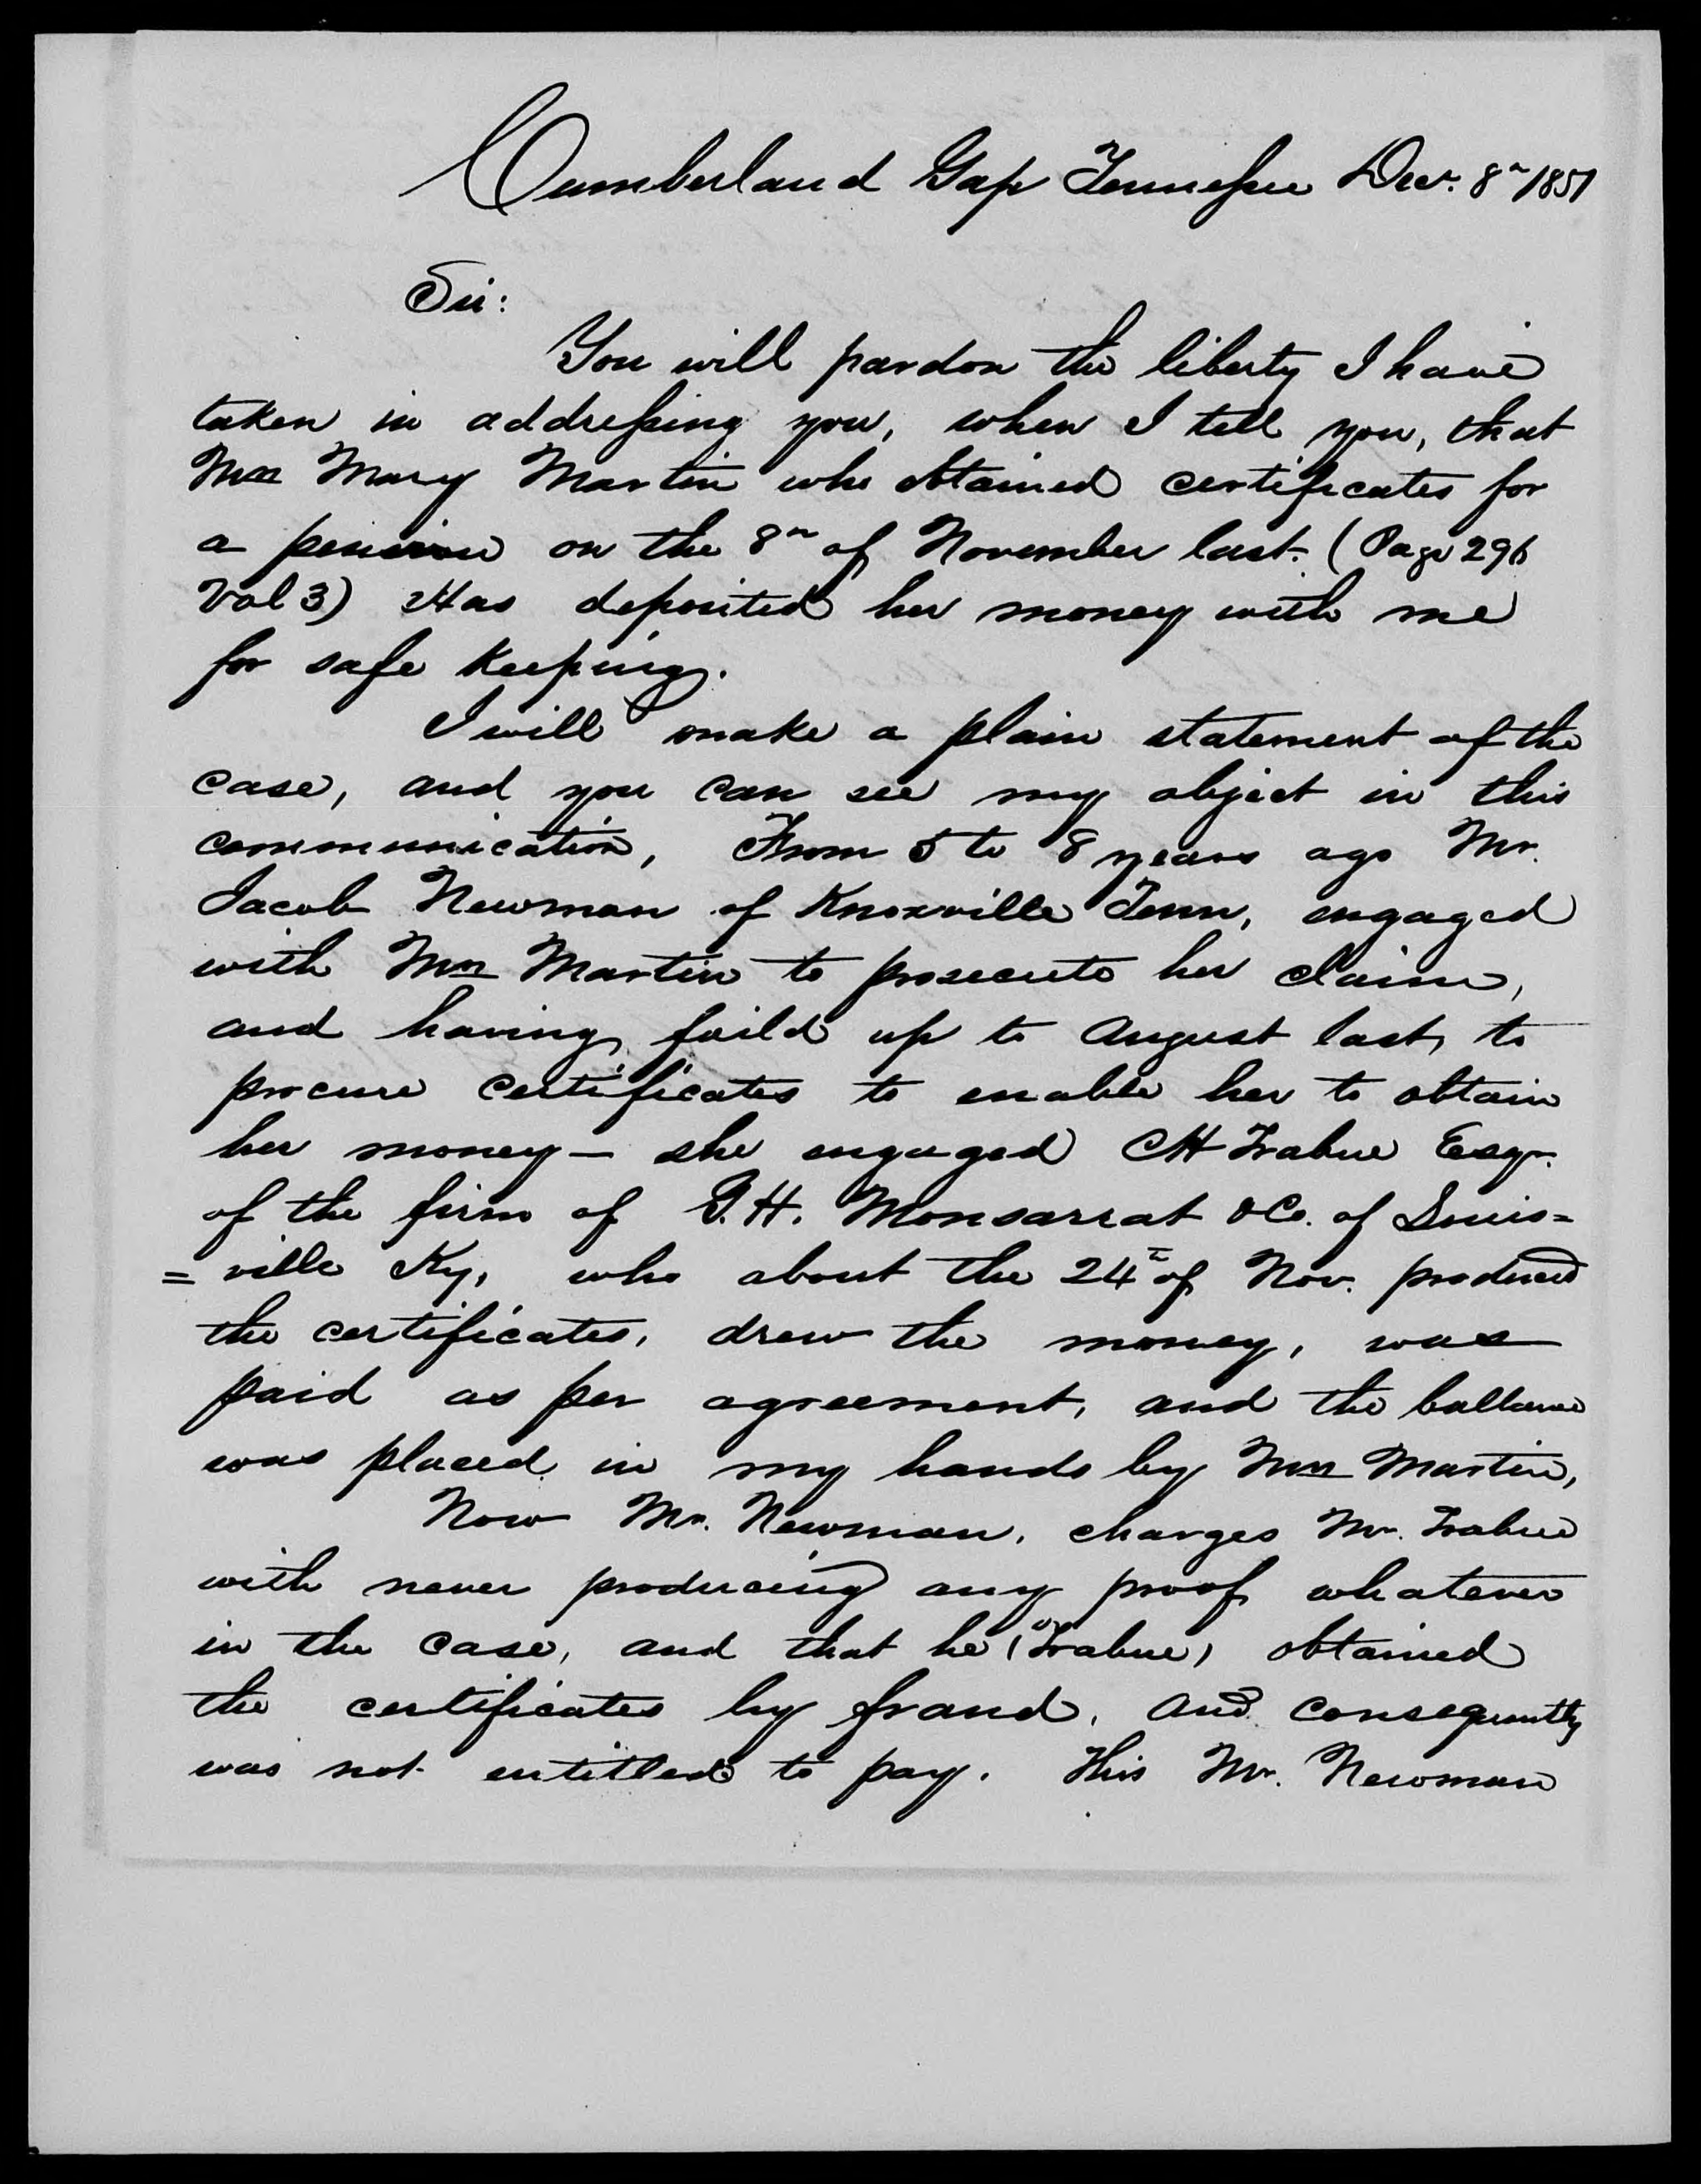Cumberland Gap Tennessee Decr. 8th 1851
Sir:
You will pardon the liberty I have
taken in addressing you, when I tell you, that
Mrs Mary Martin who obtained certificates for
a pension on the 8th of November last. (Page 296
Vol 3 ) Has deposited her money with me
for safe keeping
I will make a plain statement of the
case, and you can see my object in this
communication.
From 5 to 18 years ago Mr.
Jacob Newman of Knoxville Tenn, engaged
with Mrs Martin to prosecute her claim,
and having failed up to August last to
procure certificates to enable her to obtain
her money-- she engaged CH Trabue Esqr.
of the firm of G.H. Monsarrat &Co. of Louis
ville Ky, who about the 24th of Nov. produced
the certificates, drew the money, was
paid as per agreement, and the ballance [balance]
was placed in my hands by Mrs Martin
Now Mr. Newman, charges Mr. Trabue
with never producing any proof whatever
in the case, and that he (Trabue) obtained
the certificates by fraud, and consequently
was not entitled to pay. This Mr. Newman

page: 95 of 120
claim: widow's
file: W. 1044, for Salathiel Martin, North Carolina